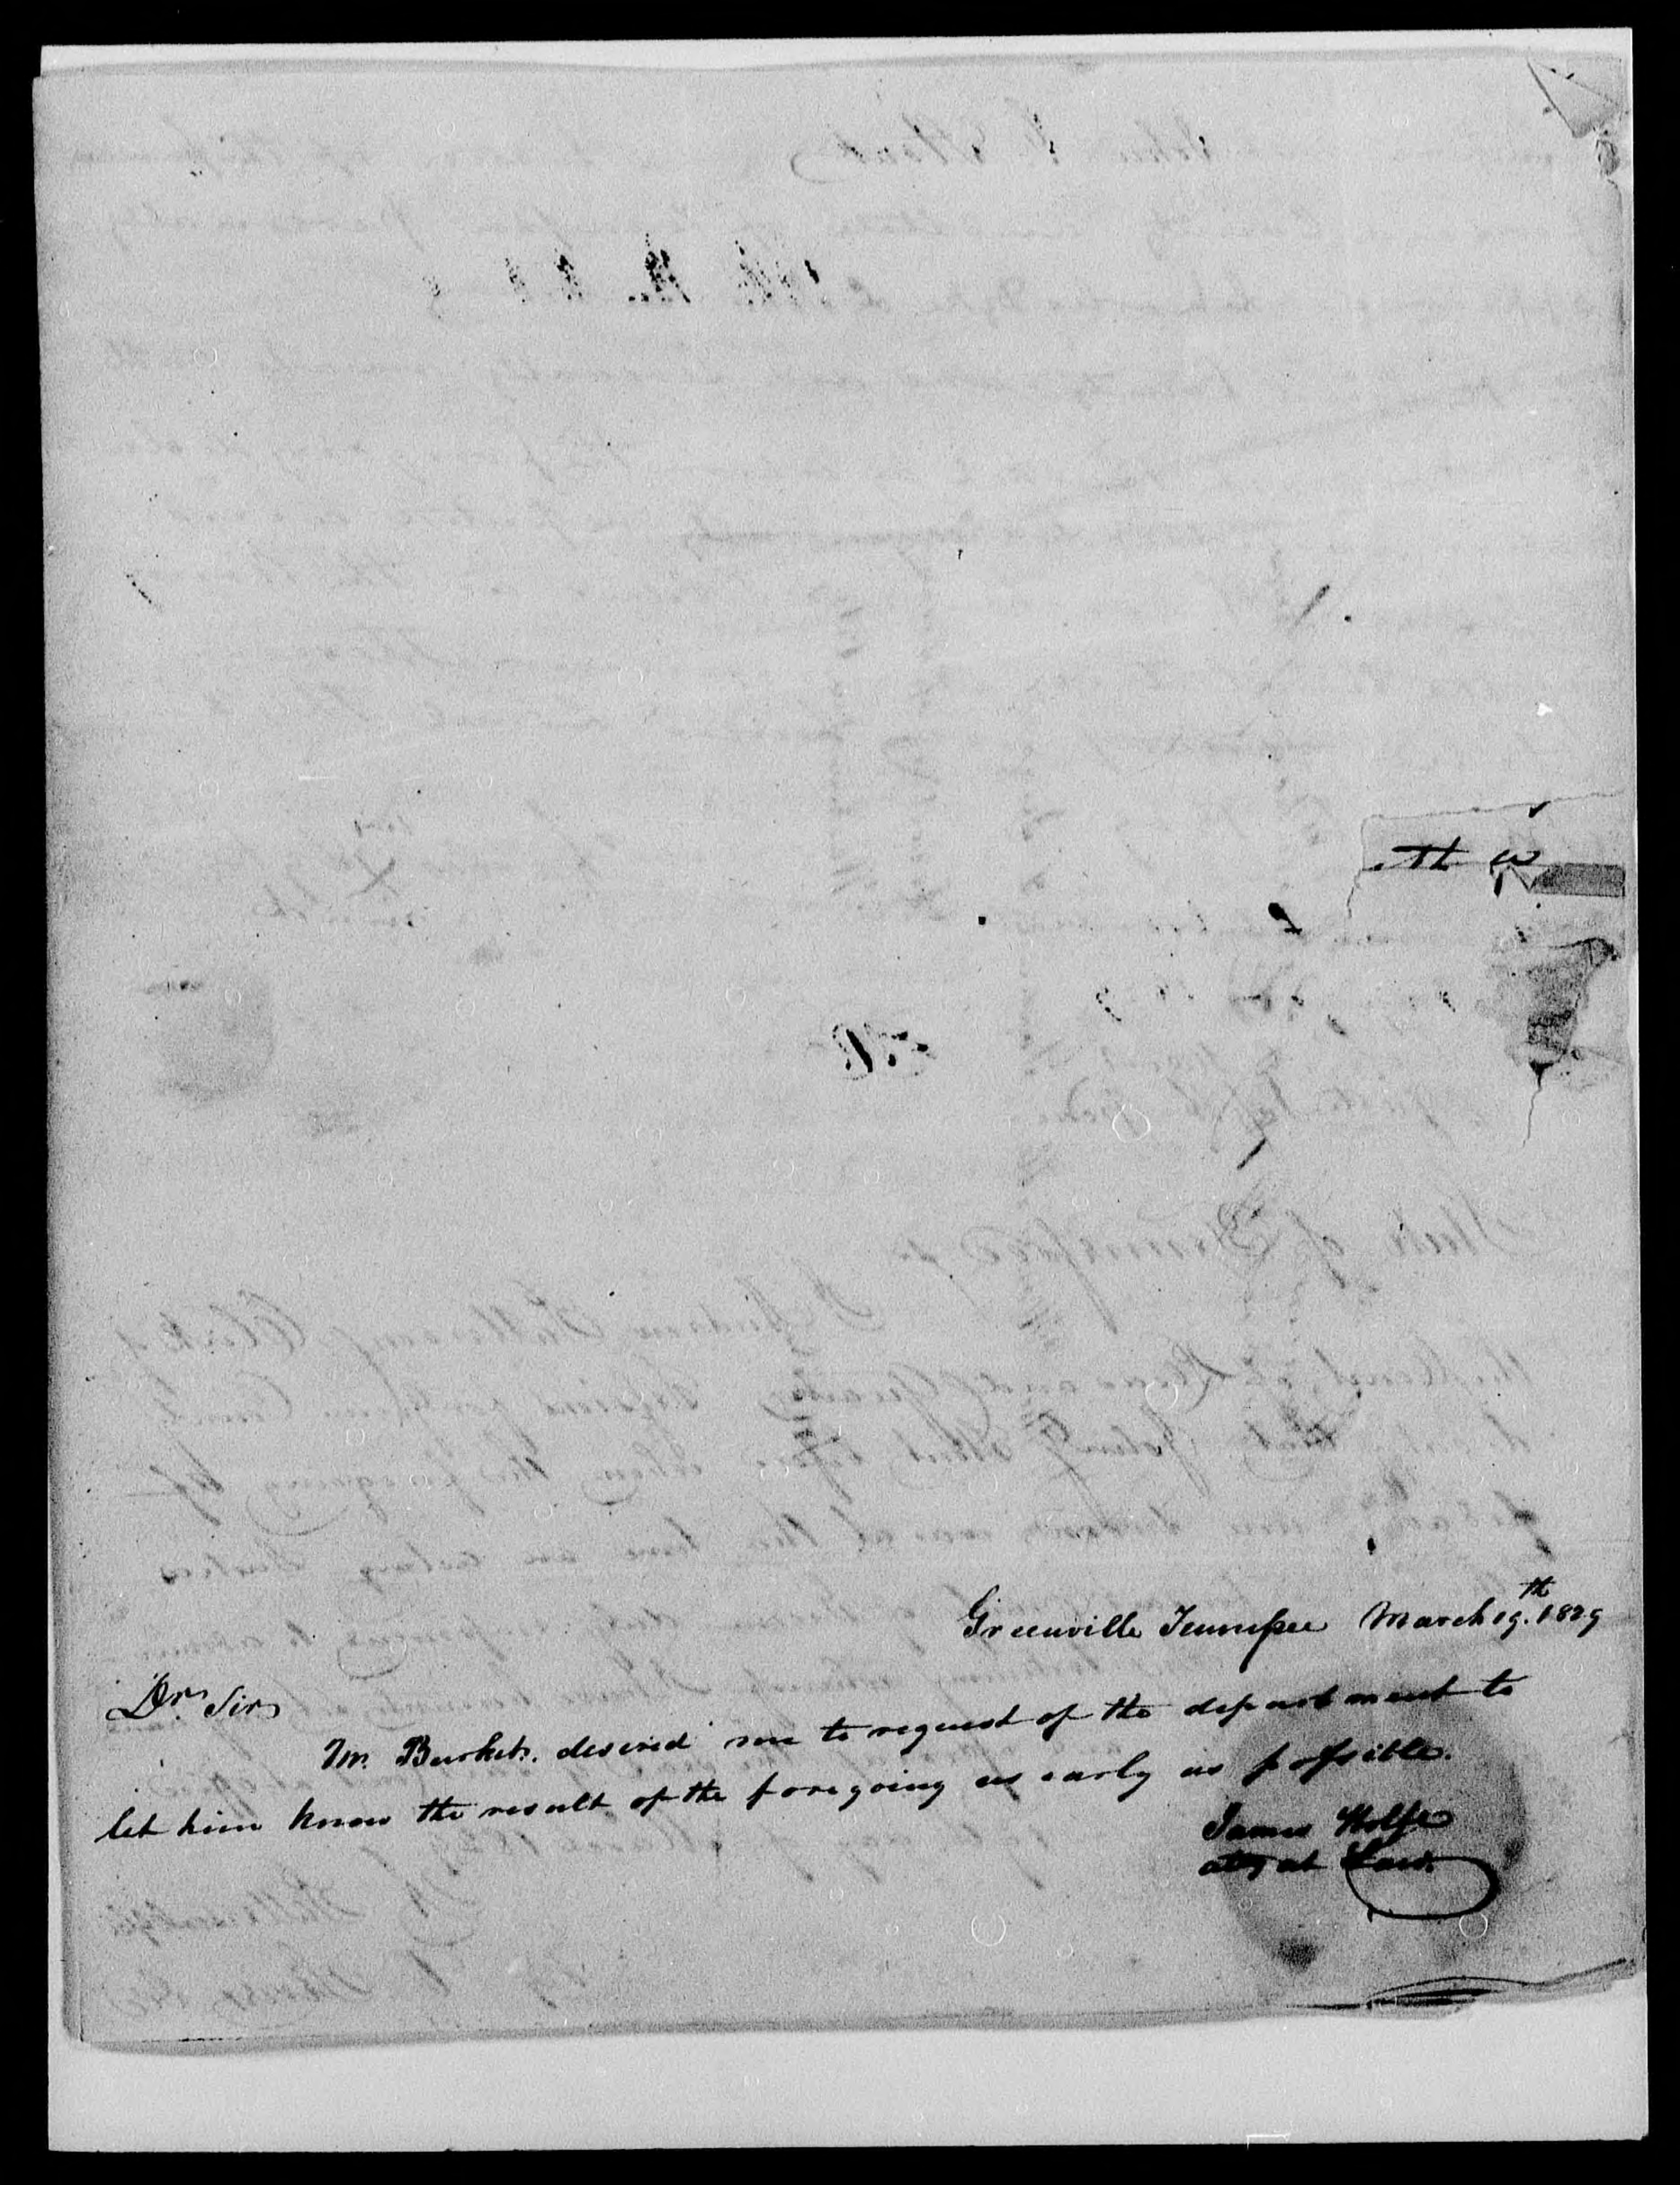Greenville Tennessee  March 19th 1829

Dr. Sirs

Mr. Burket desired me to request of the department to let him know the result of the foregoing as early as possible

James Holbe
atty at law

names: Burket, James Holbe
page: 30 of 47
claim: survivor's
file: S. 3102, Frederick Burket, Va.